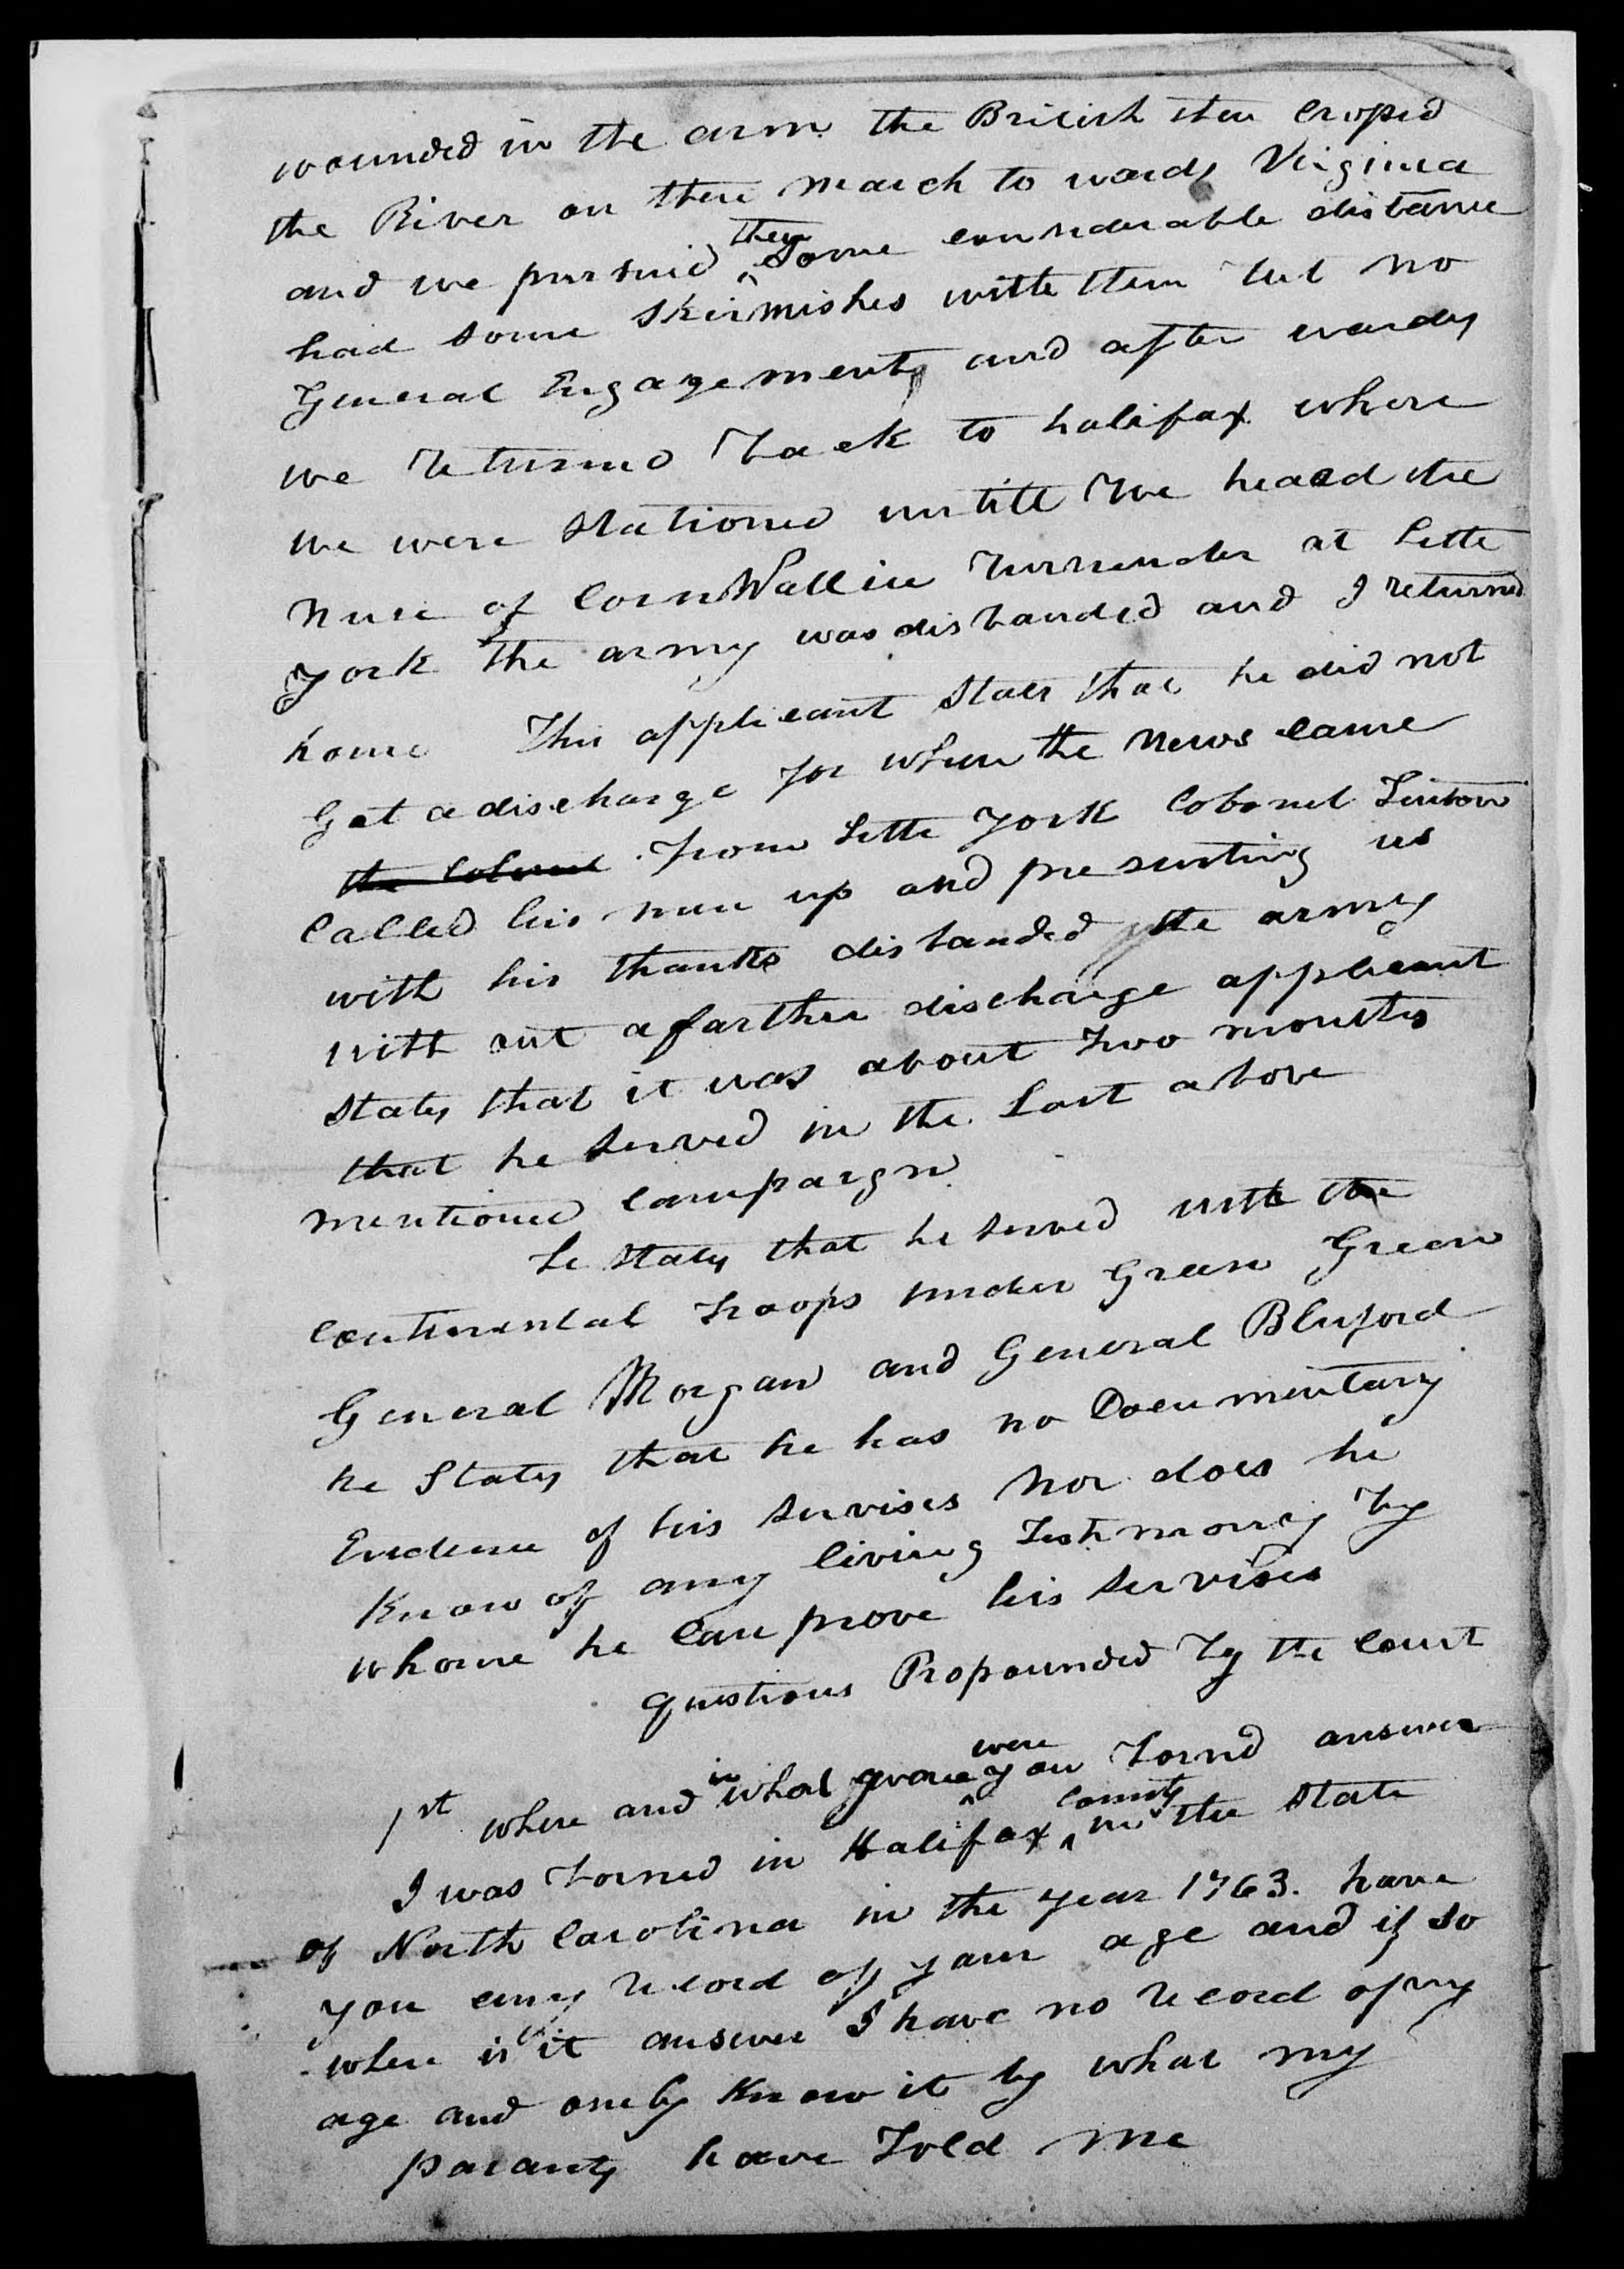wounded in the arm the British then crossed the River on the march towards Virginia and we pursuid them some considerable distance  had some skirmishes with them but no General Engagements and after wards we returned back to halifax where we were stationed untill we heard the nuse of CornWallice surrender at Little York the army was disbanded and I returned home.
This applicant states that he did not get a discharge for when the news came [the Colonel - CROSSED OUT] from Little York Colonel Lenton called his men up and presenting us with his thanks disbanded the army with out a further discharge applicant states that it was about two months that he served in the Last above mentioned campaign.
He states that he served with the continental Troops under Green Green General Morgan and General Bluford he states that he has no Documentary Evidence of his servises nor  does he know of any living testimony by whome he can prove his services.
Questions Propounded by the Court 
1st where and in what [Illegible] were you borned answers
I was borned in Halifax County in the State of North Carolina in the year 1763. Have you any 
record of your age and if so where is it answers I have no record of my age and only know it by what my parents have told me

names: Green, Lenton, Cornwall, Morgan, Green, Bluford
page: 7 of 81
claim: survivor's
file: S. 1908, Richard Harper, N.C.